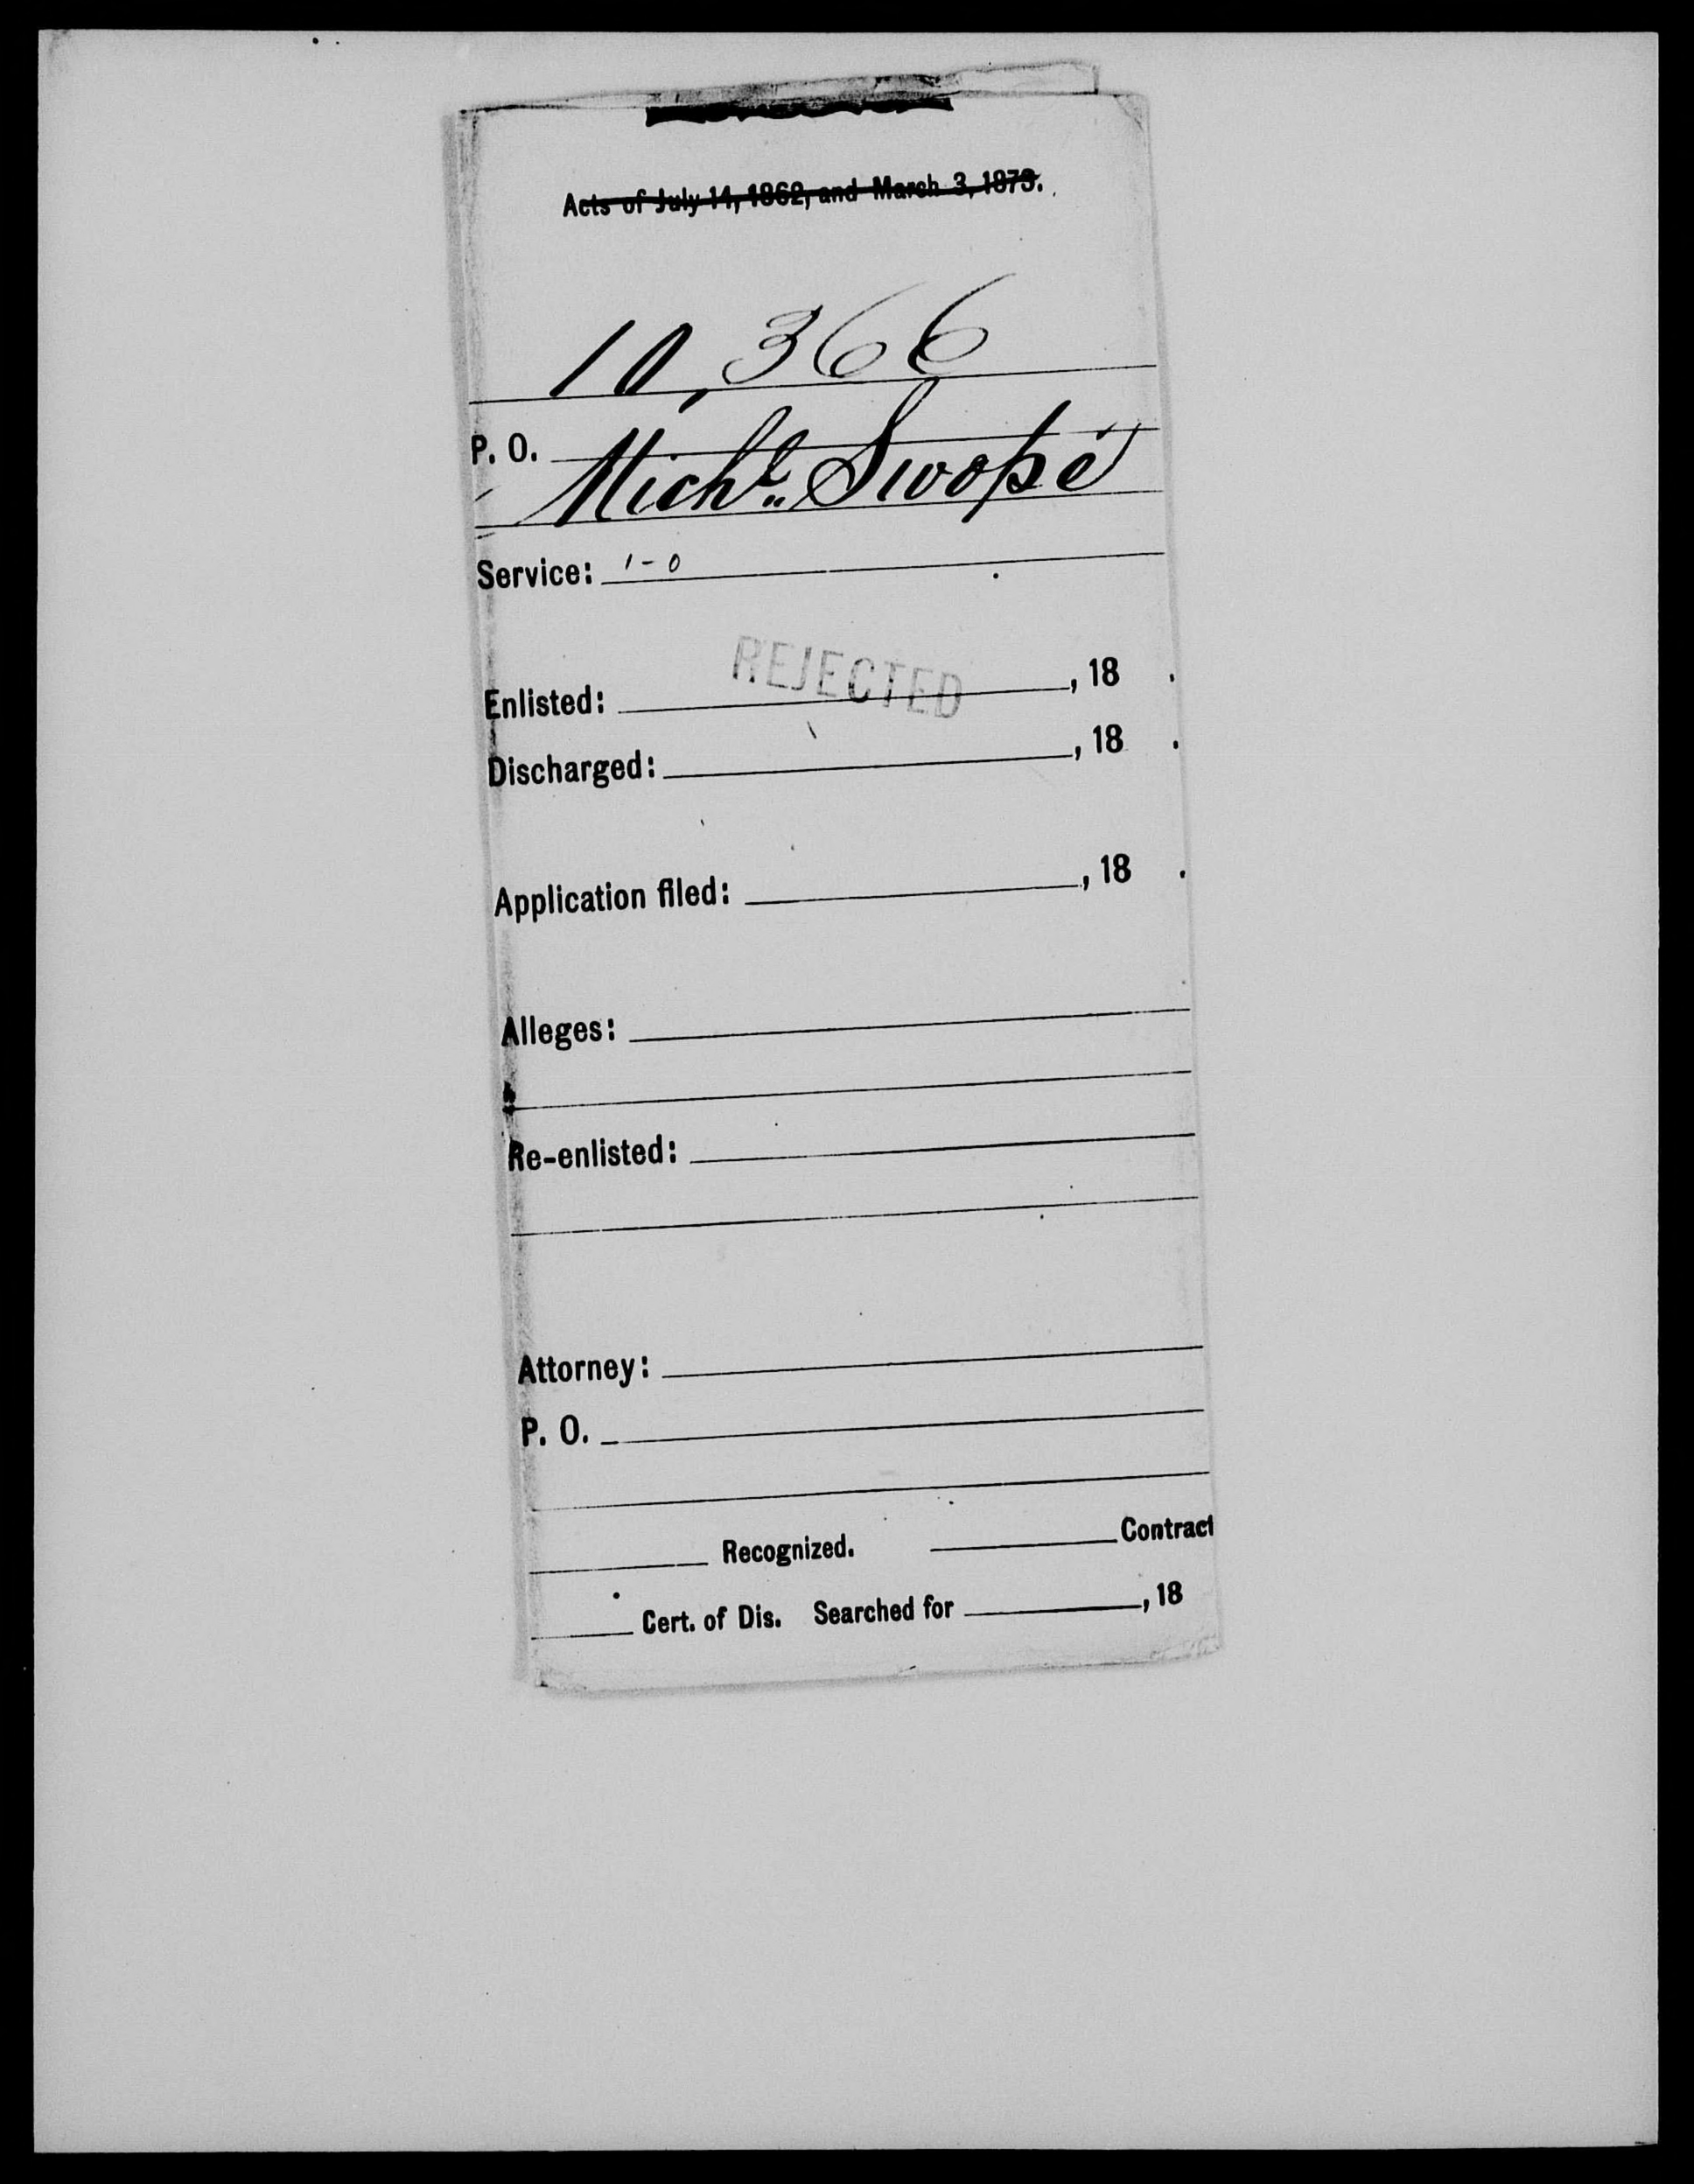Acts of July 14, 1862 and March 3, 1873. [crossed out]

10366 ┃
P. O
Michl Swope
Service:
Enlisted: __,18
Discharged: __,18
Application filed: __,18
Alleges:
re-enlisted:
Attorney:-
P. O.

Recognized. 
Contract
Cert. of Dis. Searched for __,18

Rejected [stamped over form]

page: 15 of 16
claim: rejected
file: R 10366, for Michael Swope, Virginia